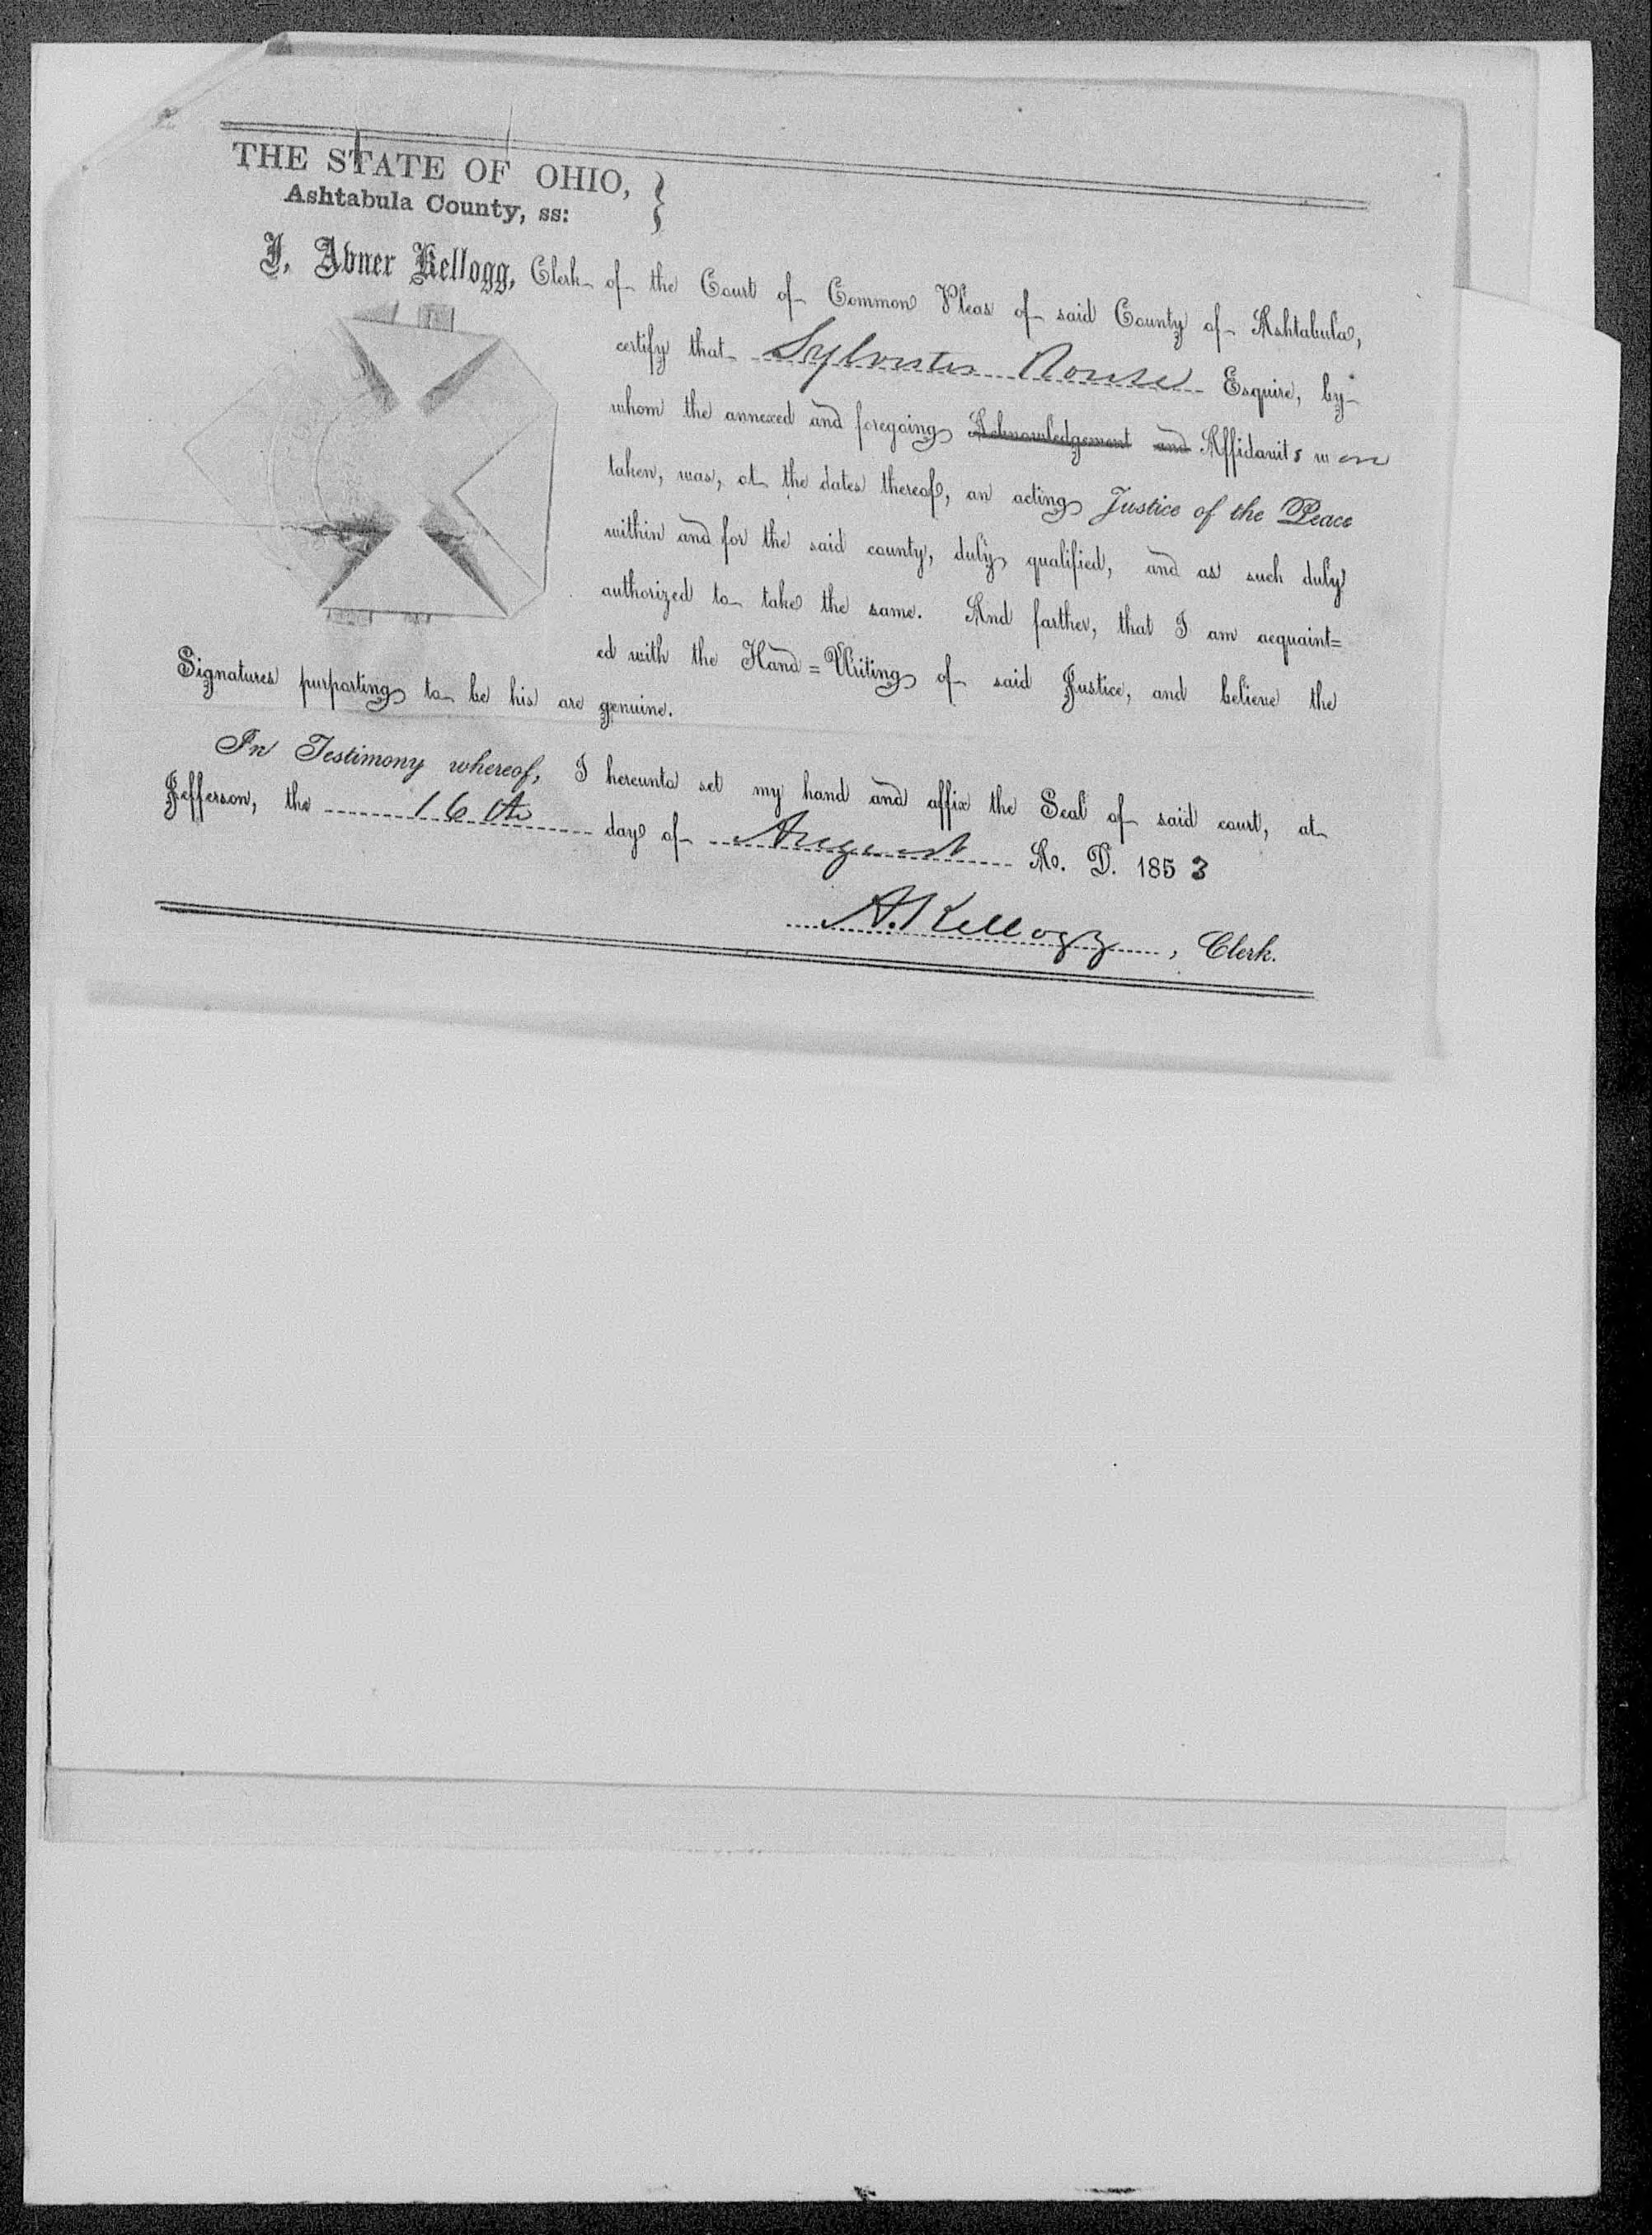THE STATE OF OHIO,  
Ashtabula County, ss: }
I Abner Kellogg, Clerk of the Court of Common Pleas of said County of Ashtabula, certify that Sylvester Rouse Esquire, by whom the annexed and foregoing bond and Affidavits were then, was, at the date thereof, and acting Justice of the Peace within and for the said county, duly qualified, and as such duly authorized to take the same. And further, that I am acquainted with the Hand-writing of the Justice, and believe the Signatures purporting to be his are genuine. 
In Testimony whereof, I hereunto set my hand and offer the Seal of said court at Jefferson, the 16th day of August A.D. 1853 
A. Kellogg, Clerk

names: A Kellogg, Sylvester Rouse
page: 11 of 35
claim: rejected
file: R. 501, Phineas Barker, Conn. Privateer